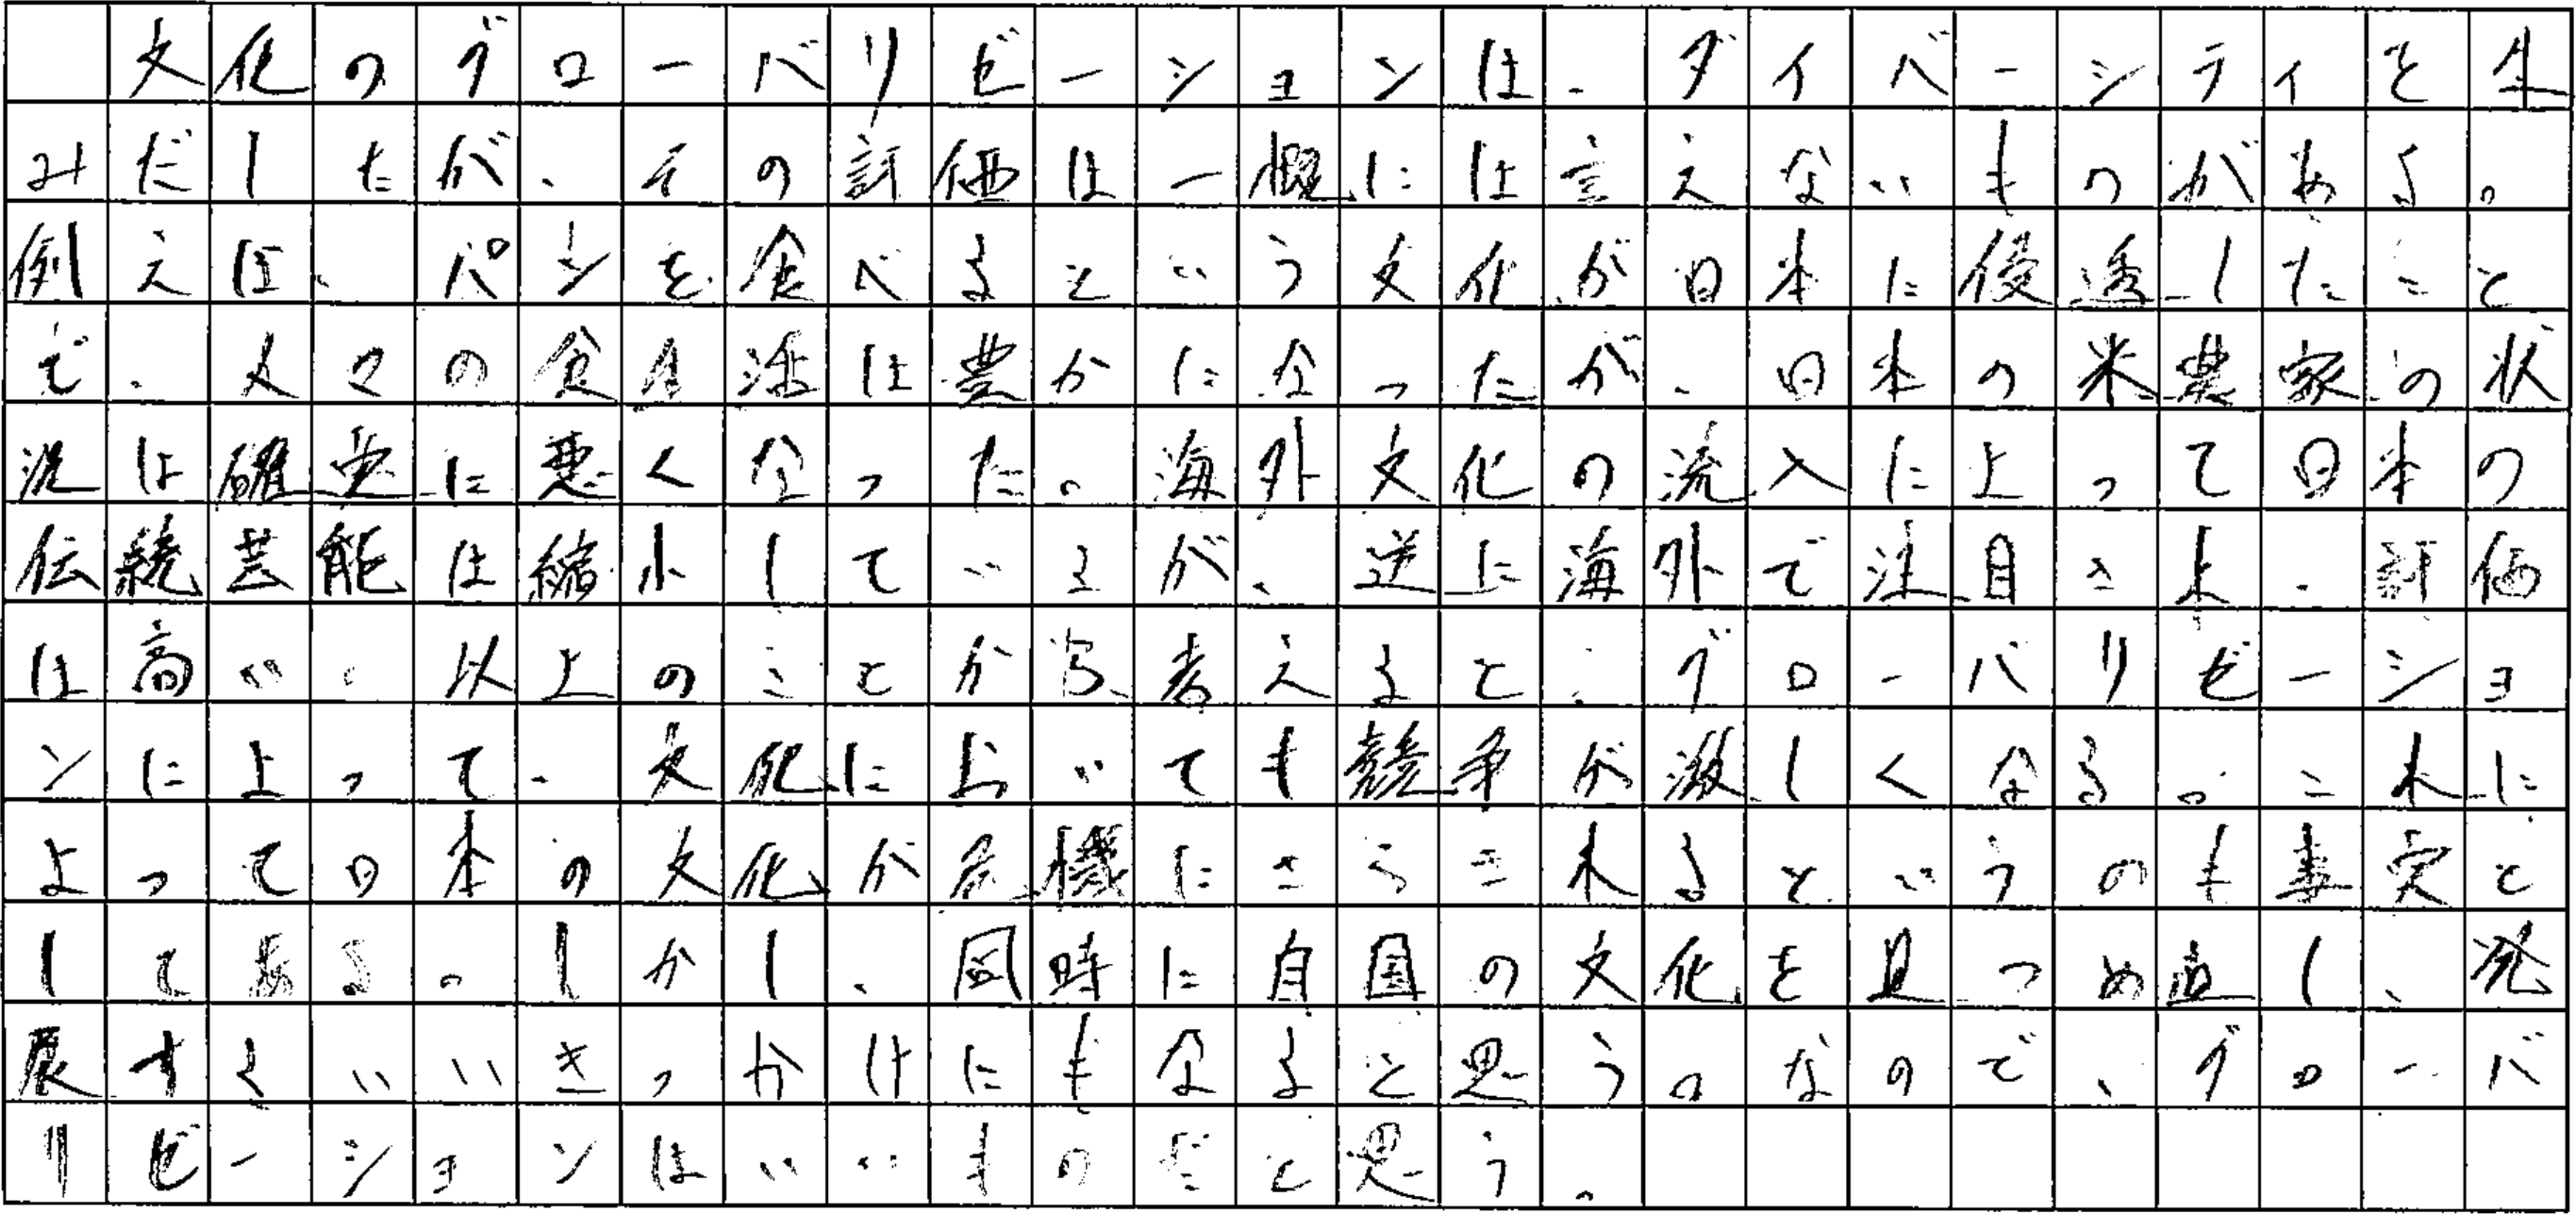　文化のグローバリゼーションは、ダイバーシティを生みだしたが、その評価は一概には言えないものがある。例えば、パンを食べるという文化が日本に侵透したことで、人々の食生活は豊かになったが、日本の米農家の状況は確実に悪くなった。海外文化の流入によって日本の伝統芸能は縮小しているが、逆に海外で注目され、評価は高い。以上のことから考えると、グローバリゼーションによって、文化においても競争が激しくなる。これによって日本の文化が危機にさらされるというのも事実としてある。しかし、同時に自国の文化を見つめ直し、発展するいいきっかけにもなると思う。なので、グローバリゼーションはいいものだと思う。
